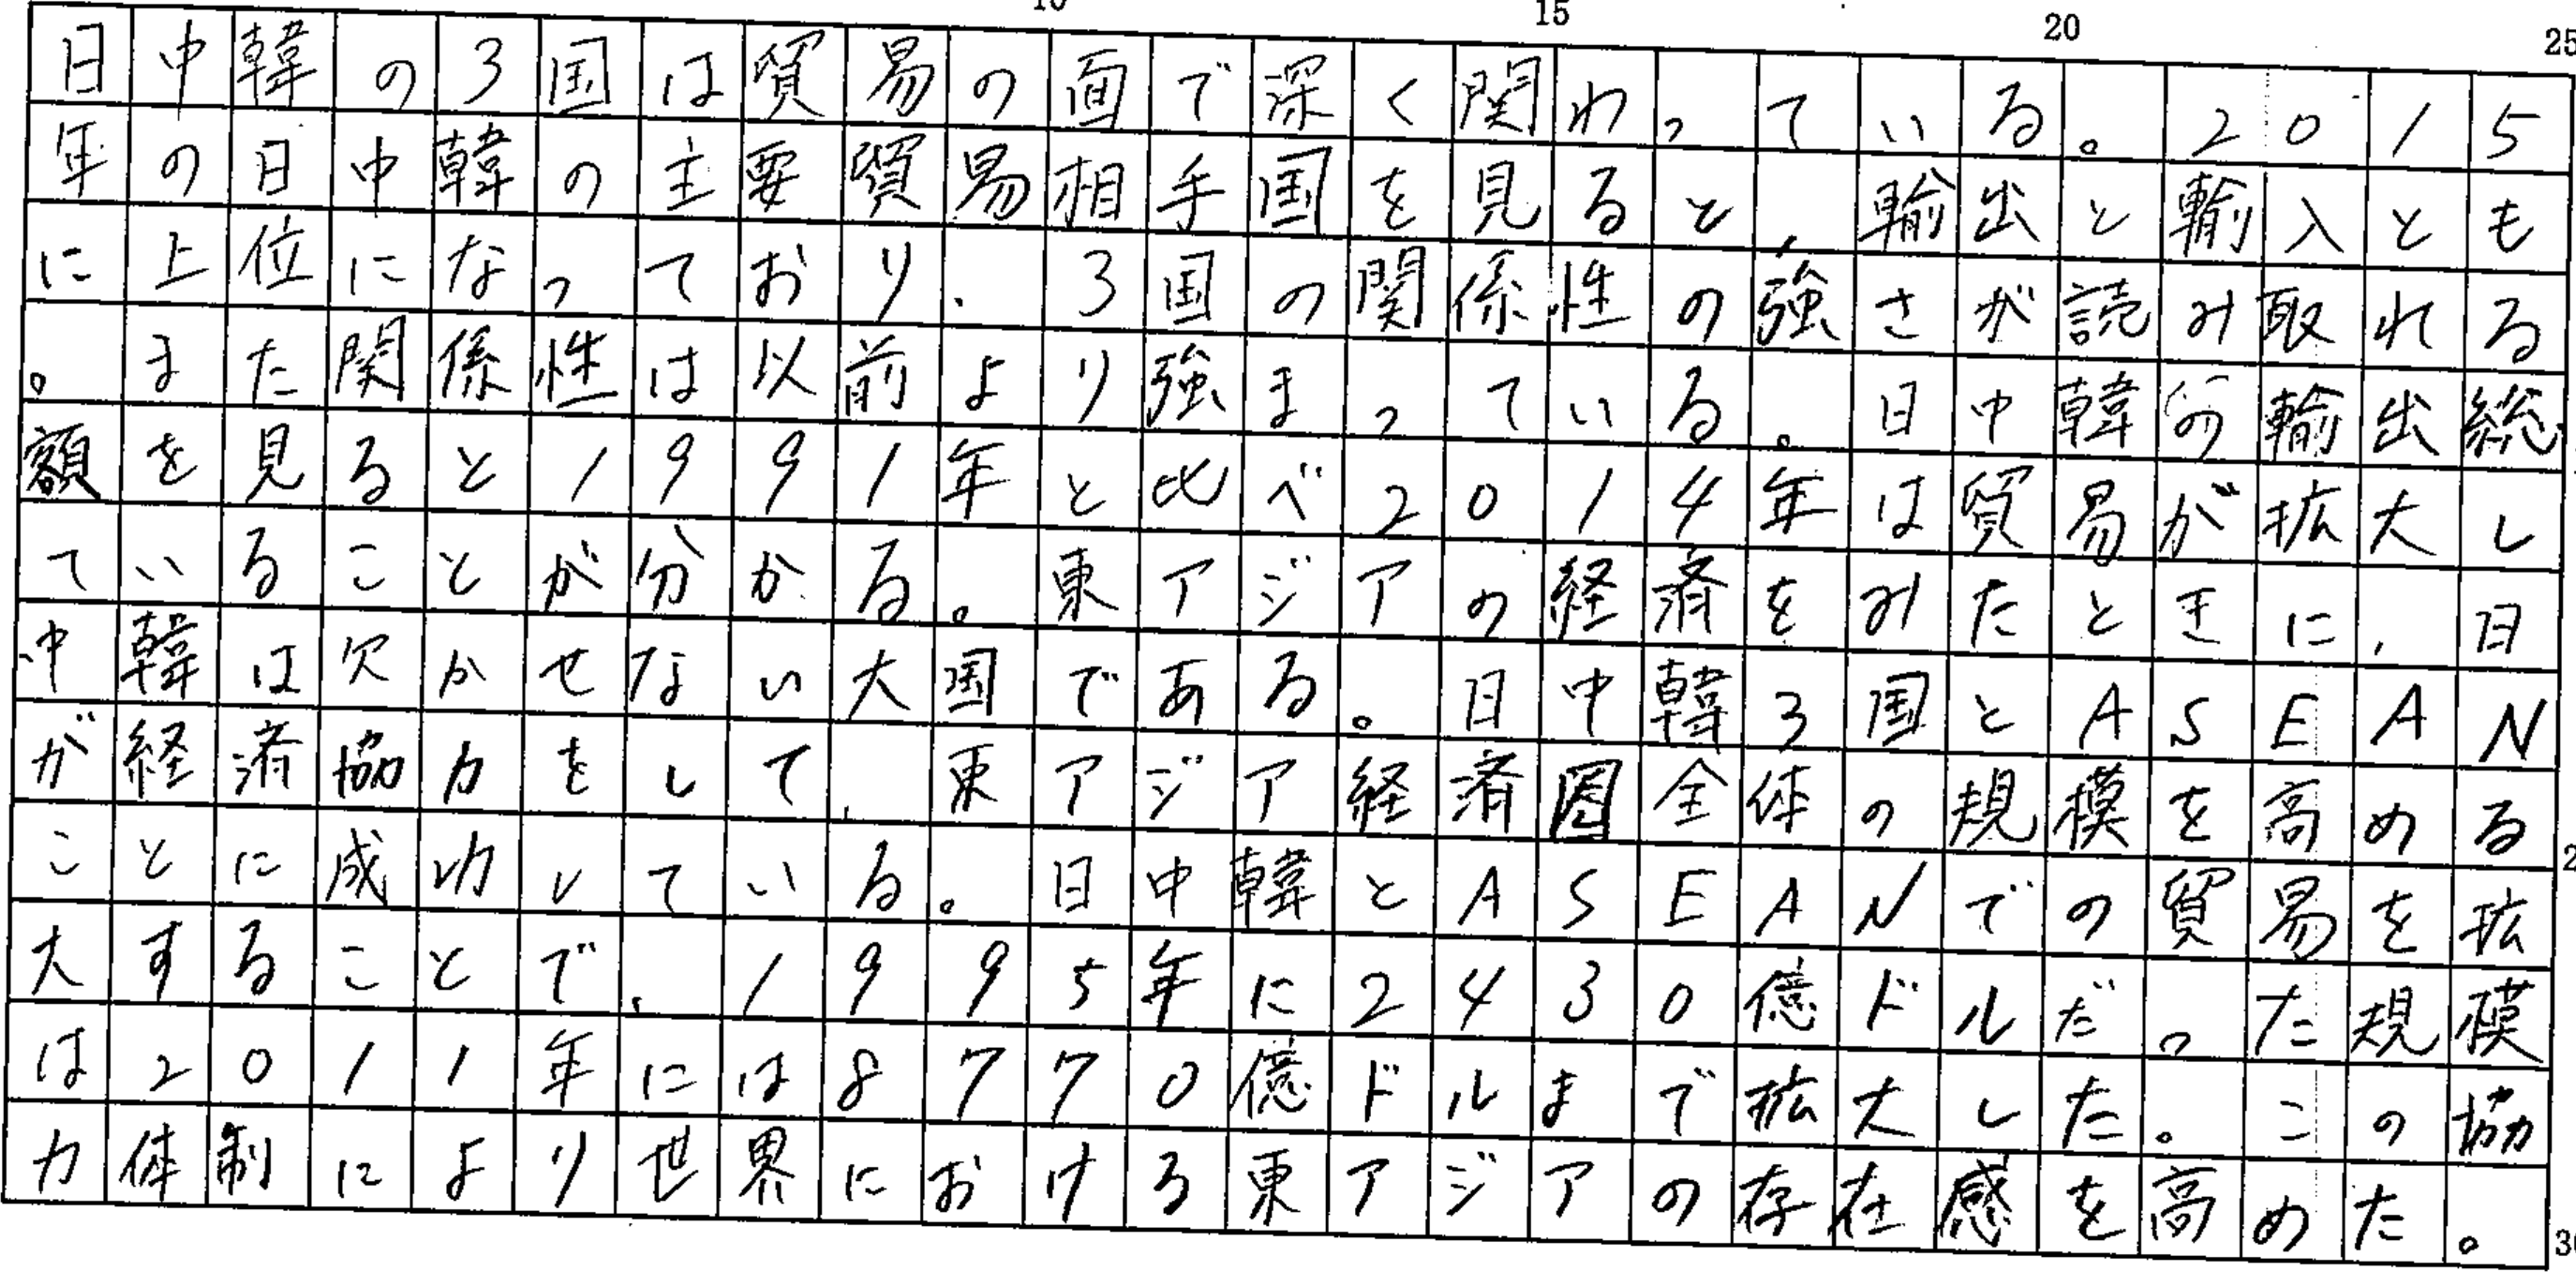日中韓の３国は貿易の面で深く関わっている。２０１５年の日中韓の主要貿易相手国を見ると，輸出と輸入ともに上位になっており、３国の関係性の強さが読み取れる。また関係性は以前より強まっている。日中韓の輸出総額を見ると１９９１年と比べ２０１４年は貿易が拡大していることが分かる。東アジアの経済をみたときに，日中韓は欠かせない大国である。日中韓３国とＡＳＥＡＮが経済協力をして，東アジア経済圏全体の規模を高めることに成功している。日中韓とＡＳＥＡＮでの貿易を拡大することで、１９９５年に２４３０億ドルだった規模は２０１１年には８７７０億ドルまで拡大した。この協力体制により世界における東アジアの存在感を高めた。
